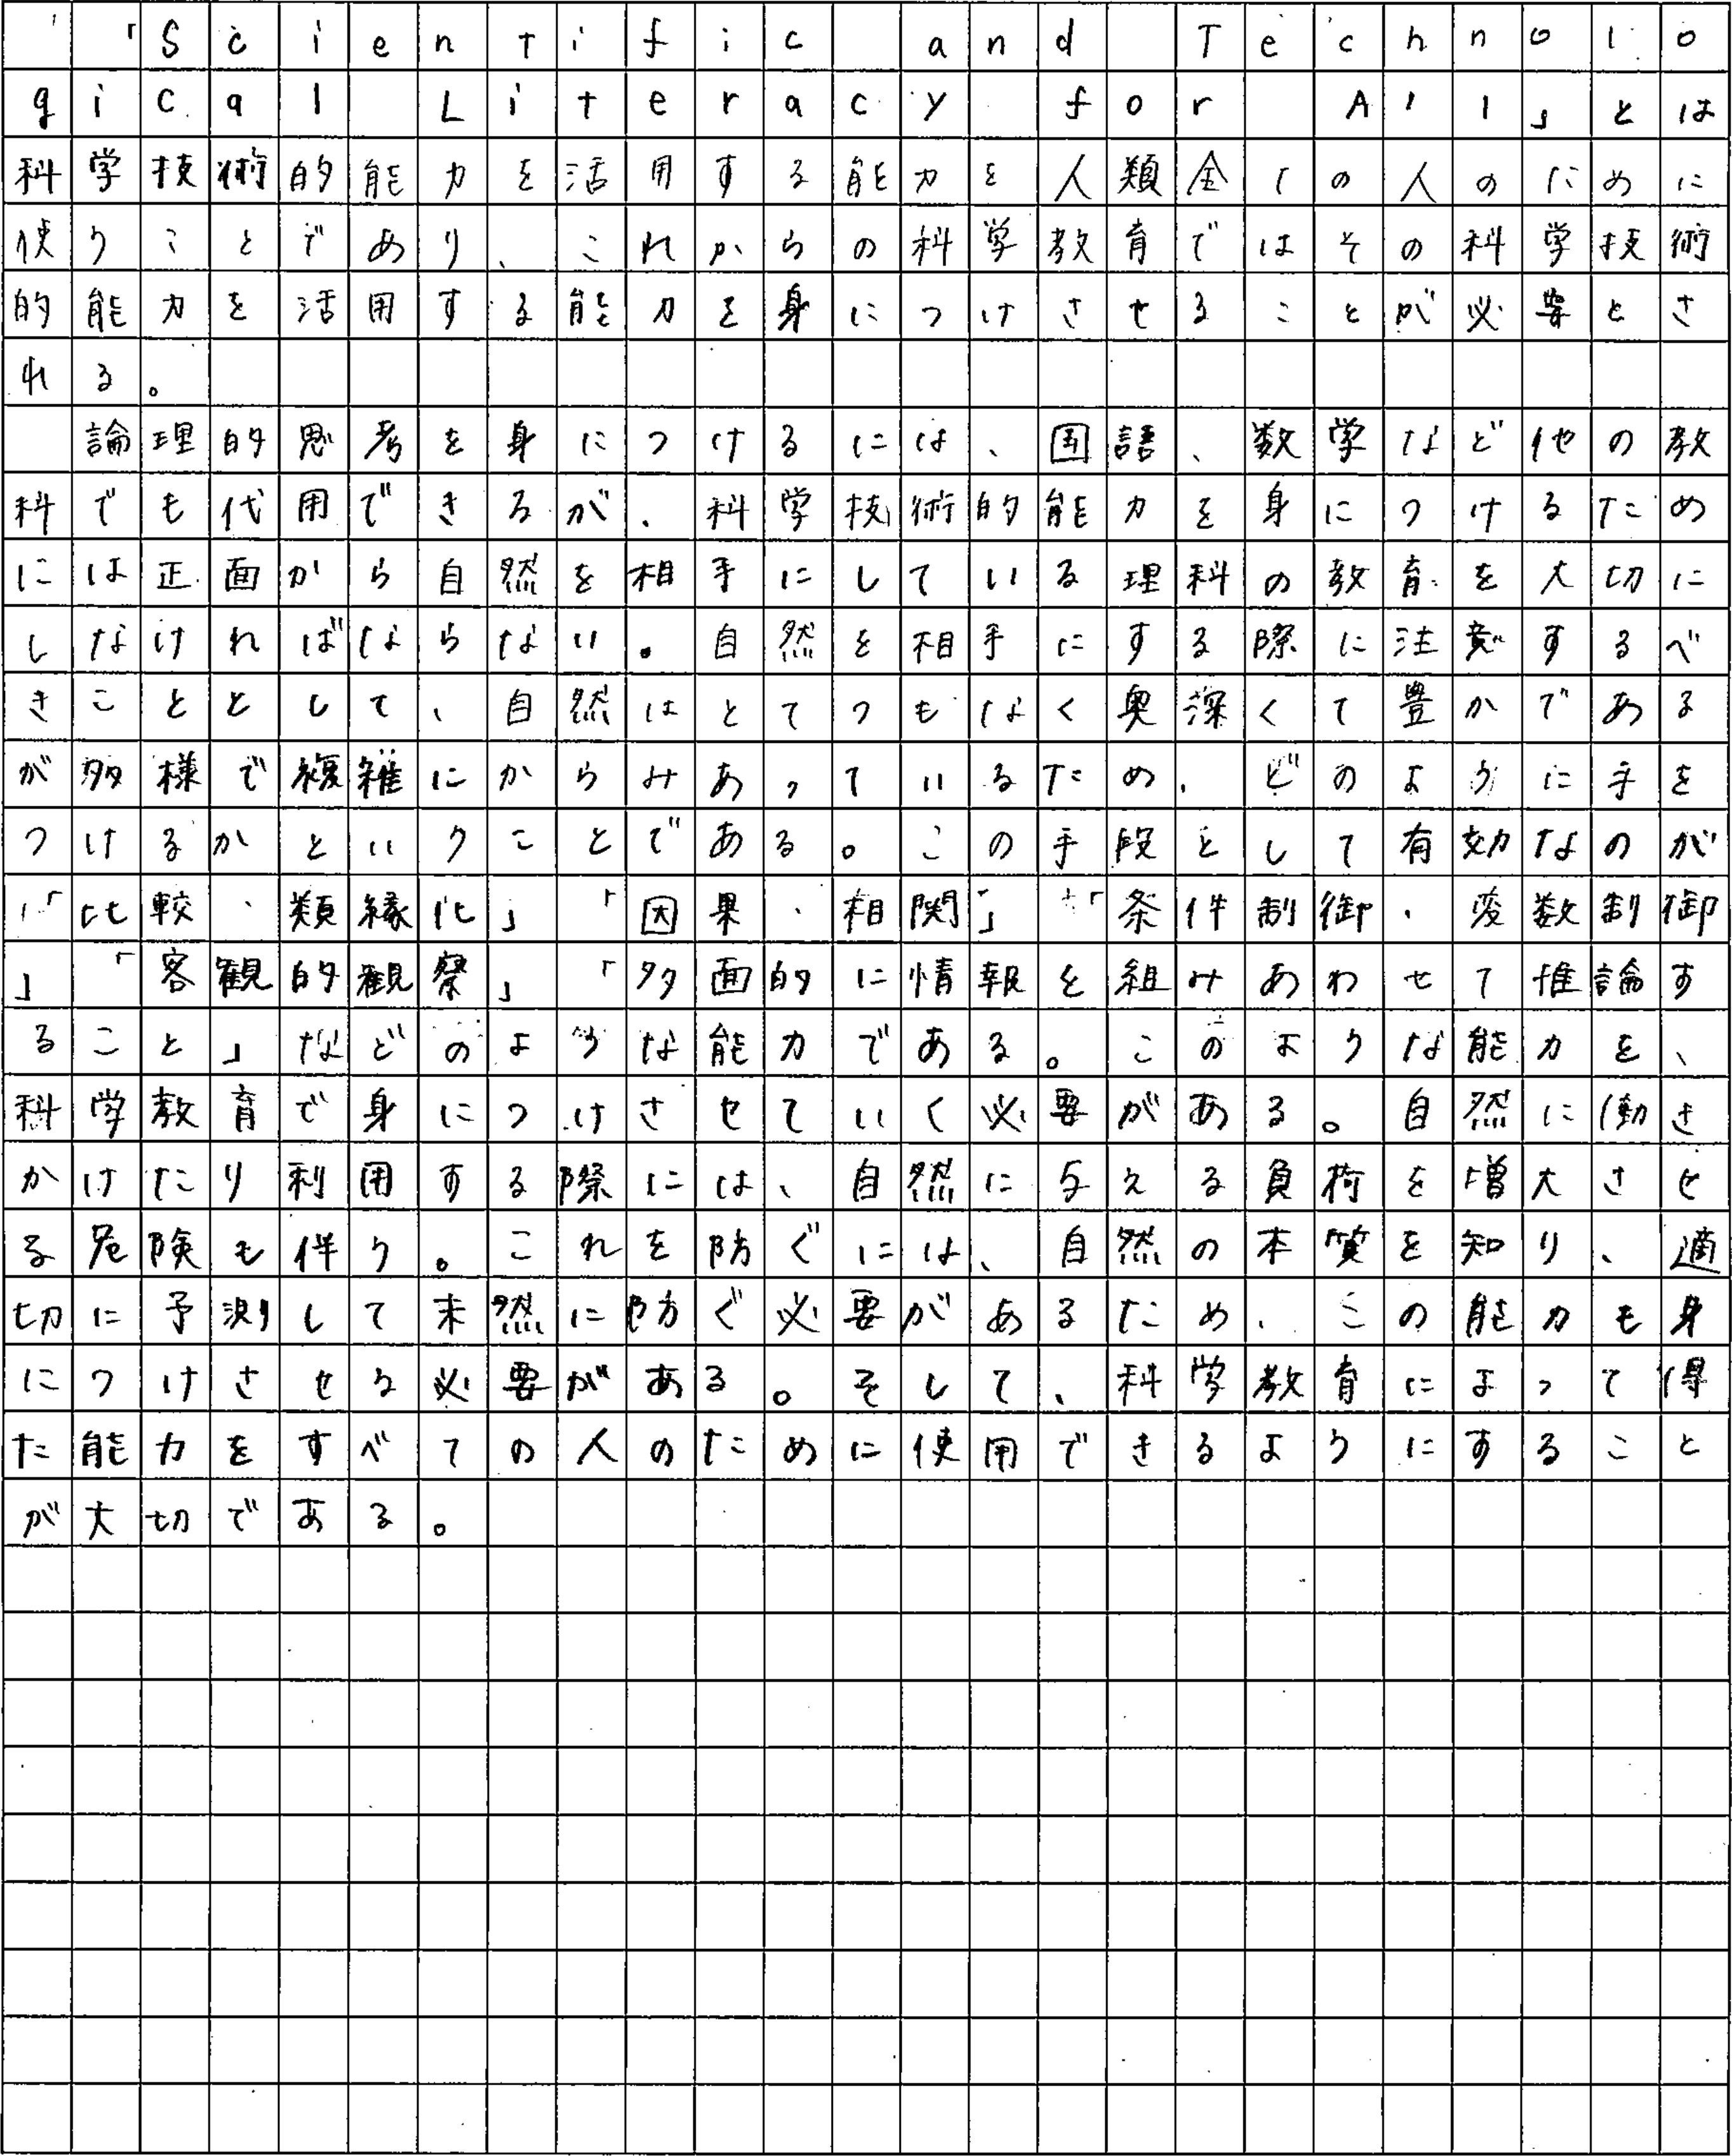　「Ｓｃｉｅｎｔｉｆｉｃ　ａｎｄ　Ｔｅｃｈｎｏｌｏｇｉｃａｌ　Ｌｉｔｅｒａｃｙ　ｆｏｒ　Ａｌｌ」とは科学技術的能力を活用する能力を人類全ての人のために使うことであり、これからの科学教育ではその科学技術的能力を活用する能力を身につけさせることが必要とされる。
　論理的思考を身につけるには、国語、数学など他の教科でも代用できるが、科学技術的能力を身につけるためには正面から自然を相手にしている理科の教育を大切にしなければならない。自然を相手にする際に注意するべきこととして、自然はとてつもなく奥深くて豊かであるが多様で複雑にからみあっているため、どのように手をつけるかということである。この手段として有効なのが「比較・類縁化」「因果・相関」「条件制御・変数制御」「客観的観察」「多面的に情報を組みあわせて推論すること」などのような能力である。このような能力を、科学教育で身につけさせていく必要がある。自然に働きかけたり利用する際には、自然に与える負荷を増大させる危険も伴う。これを防ぐには、自然の本質を知り、適切に予測して未然に防ぐ必要があるため、この能力も身につけさせる必要がある。そして、科学教育によって得た能力をすべての人のために使用できるようにすることが大切である。
